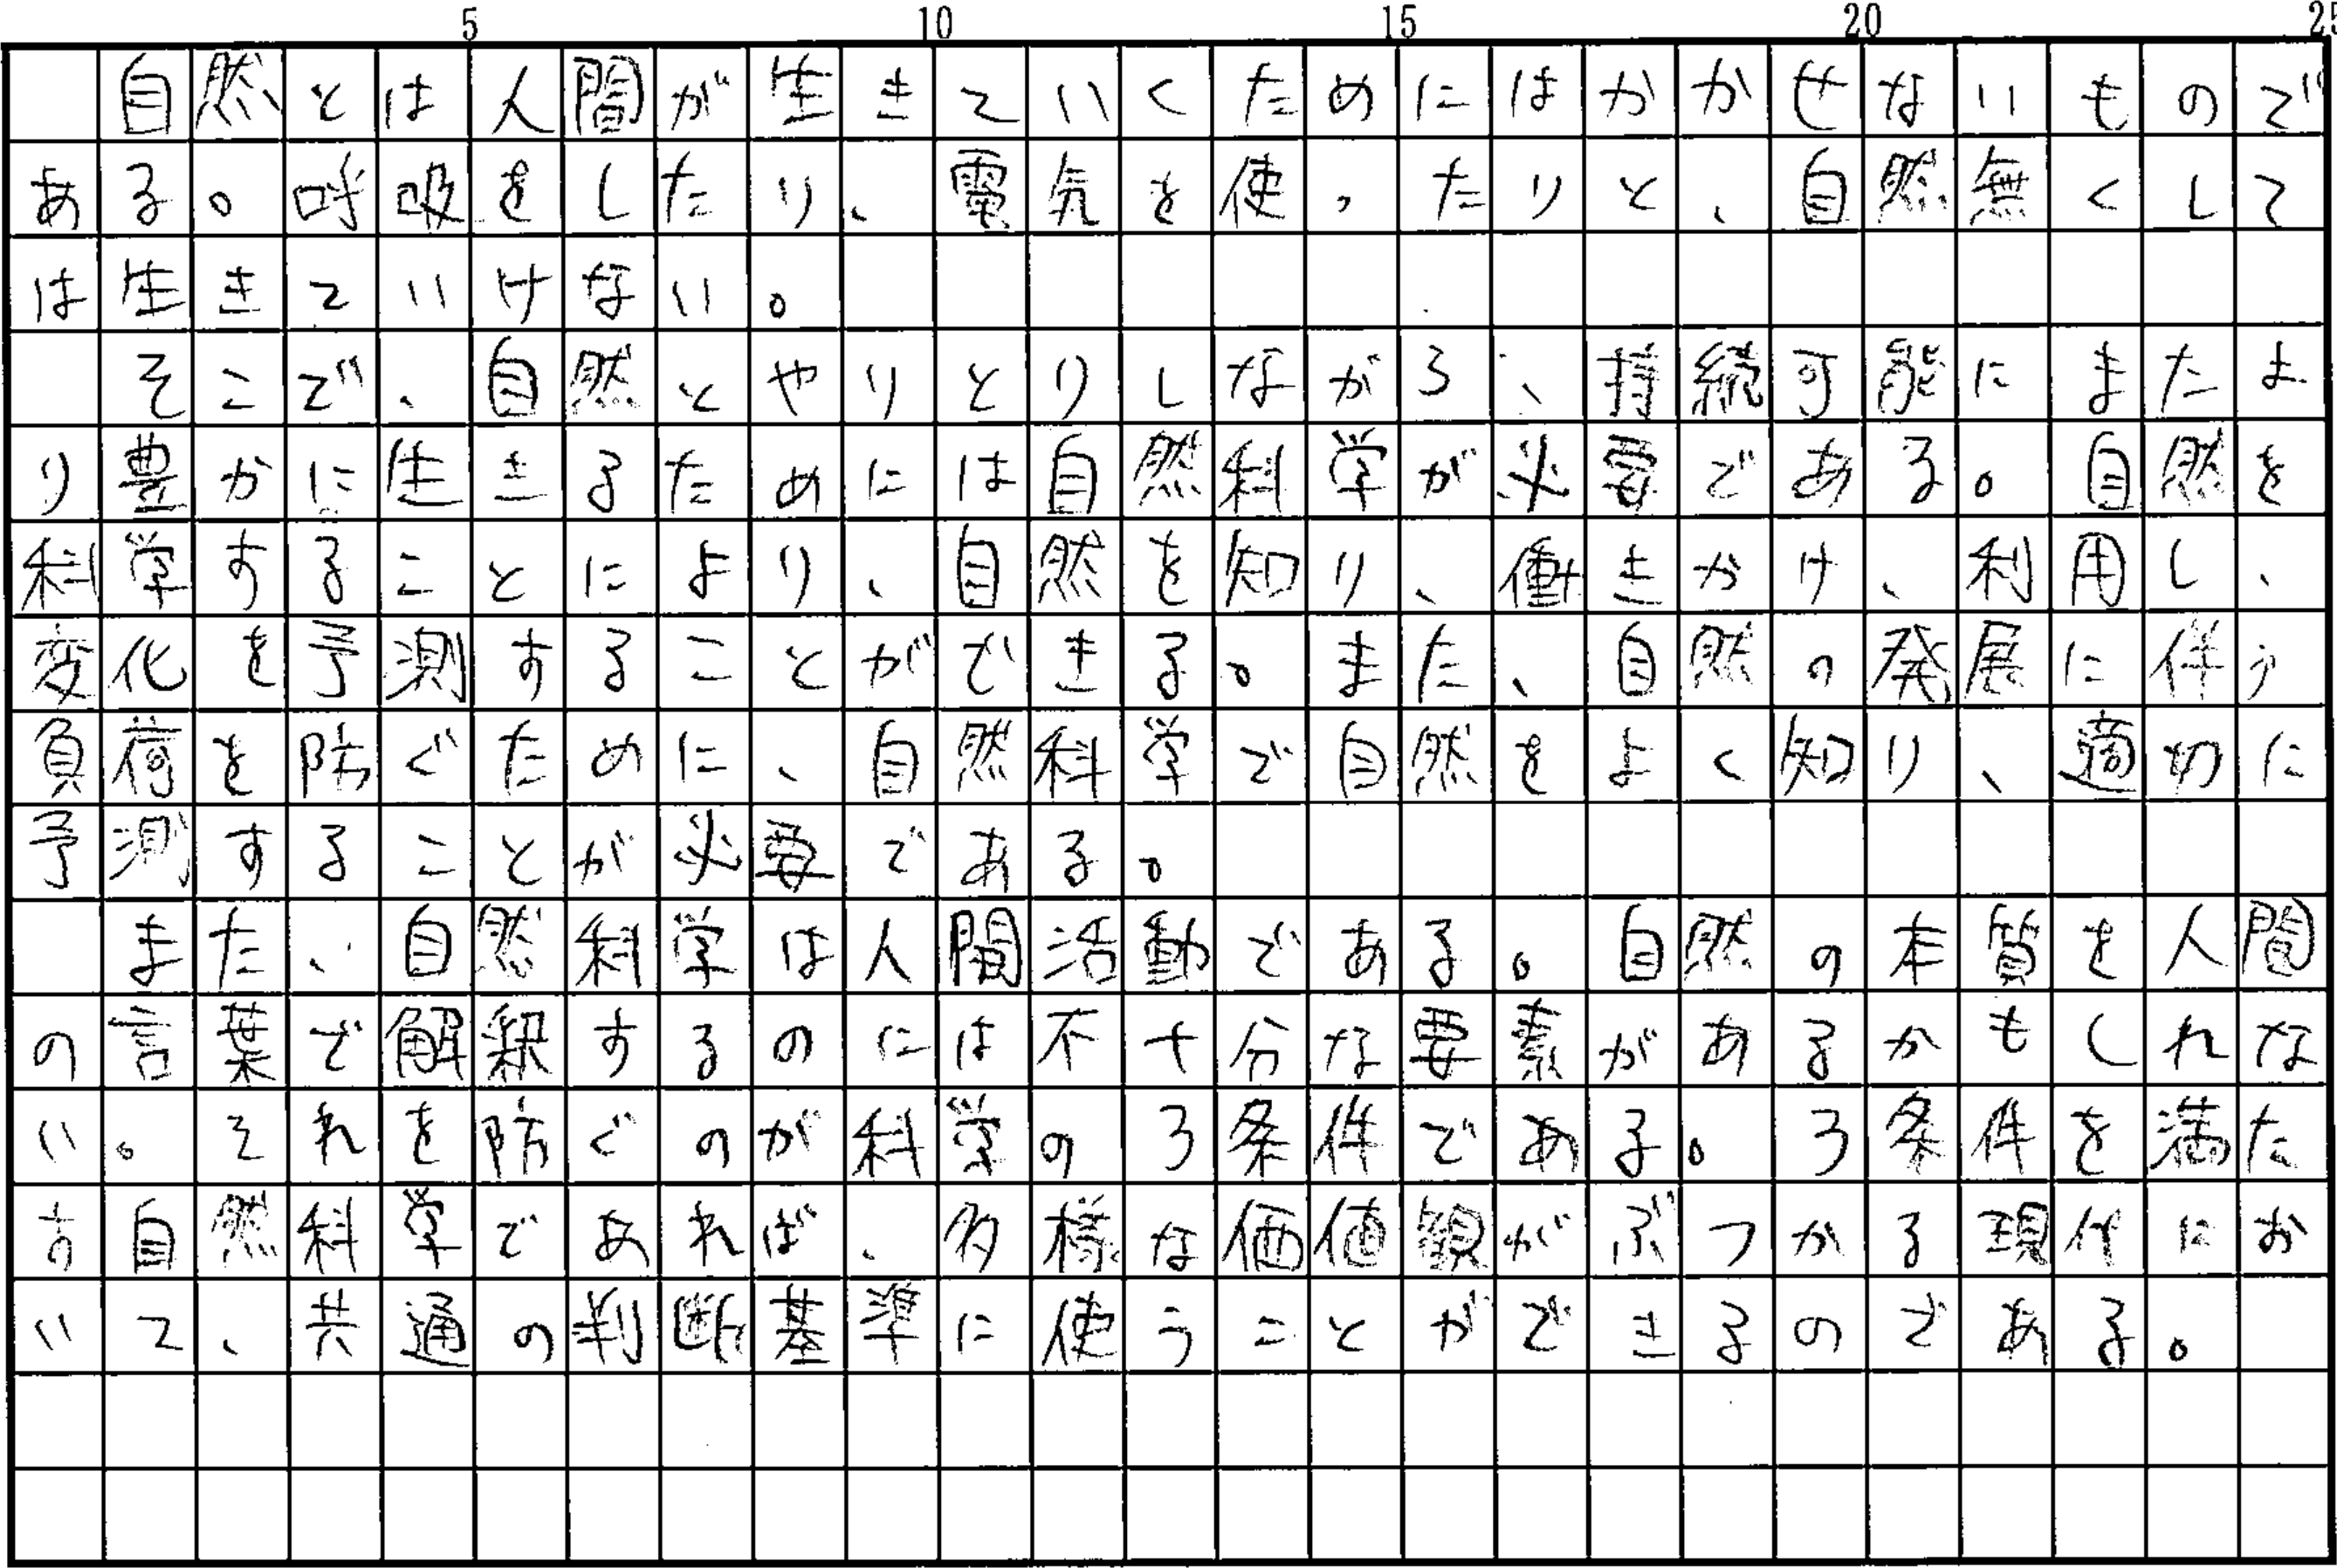　自然とは人間が生きていくためにはかかせないものである。呼吸をしたり、電気を使ったりと、自然無くしては生きていけない。
　そこで、自然とやりとりしながら、持続可能にまたより豊かに生きるためには自然科学が必要である。自然を科学することにより、自然を知り、働きかけ、利用し、変化を予測することができる。また、自然の発展に伴う負荷を防ぐために、自然科学で自然をよく知り、適切に予測することが必要である。
　また、自然科学は人間活動である。自然の本質を人間の言葉で解釈するのには不十分な要素があるかもしれない。それを防ぐのが科学の３条件である。３条件を満たす自然科学であれば、多様な価値観がぶつかる現代において、共通の判断基準に使うことができるのである。
